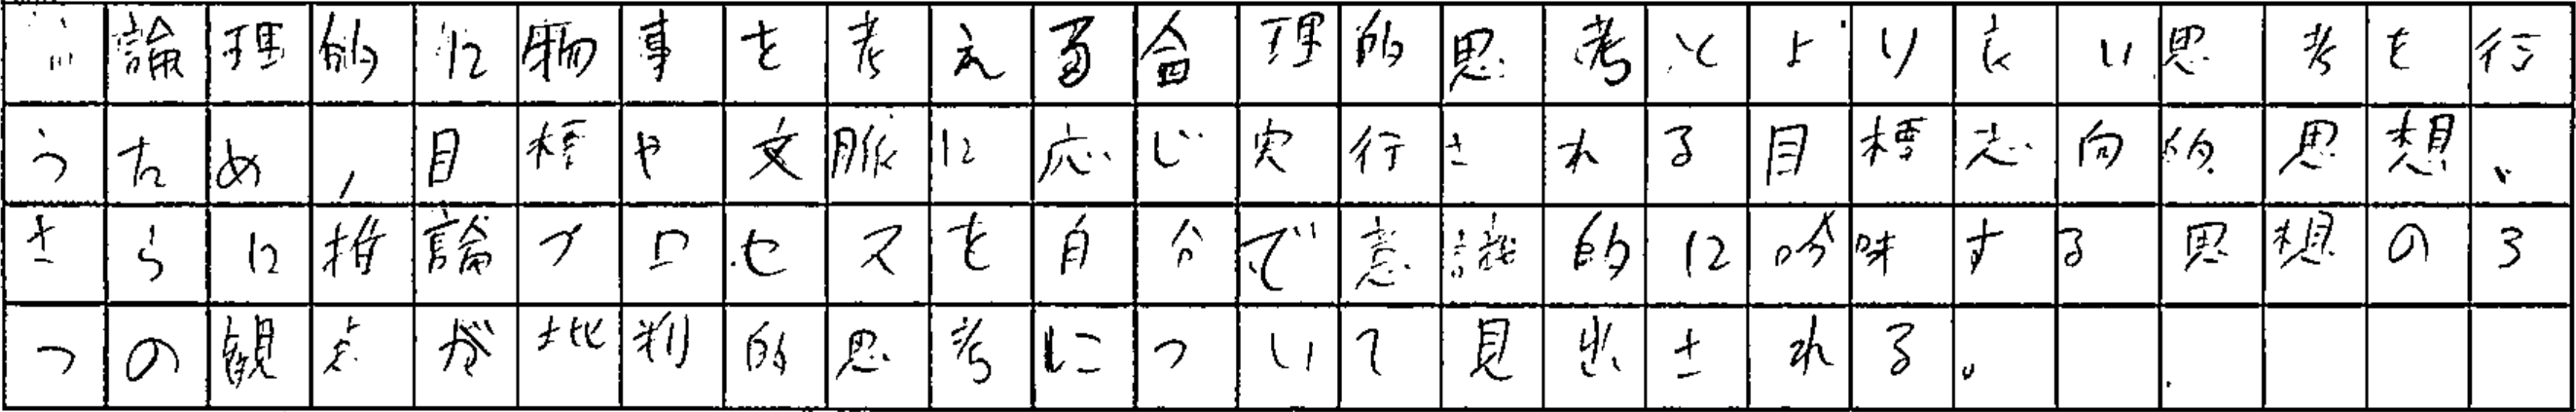　論理的に物事を考える合理的思考とより良い思考を行うため、目標や文脈に応じ実行される目標志向的思想、さらに推論プロセスを自分で意識的に吟味する思想の３つの観点が批判的思考について見出される。
